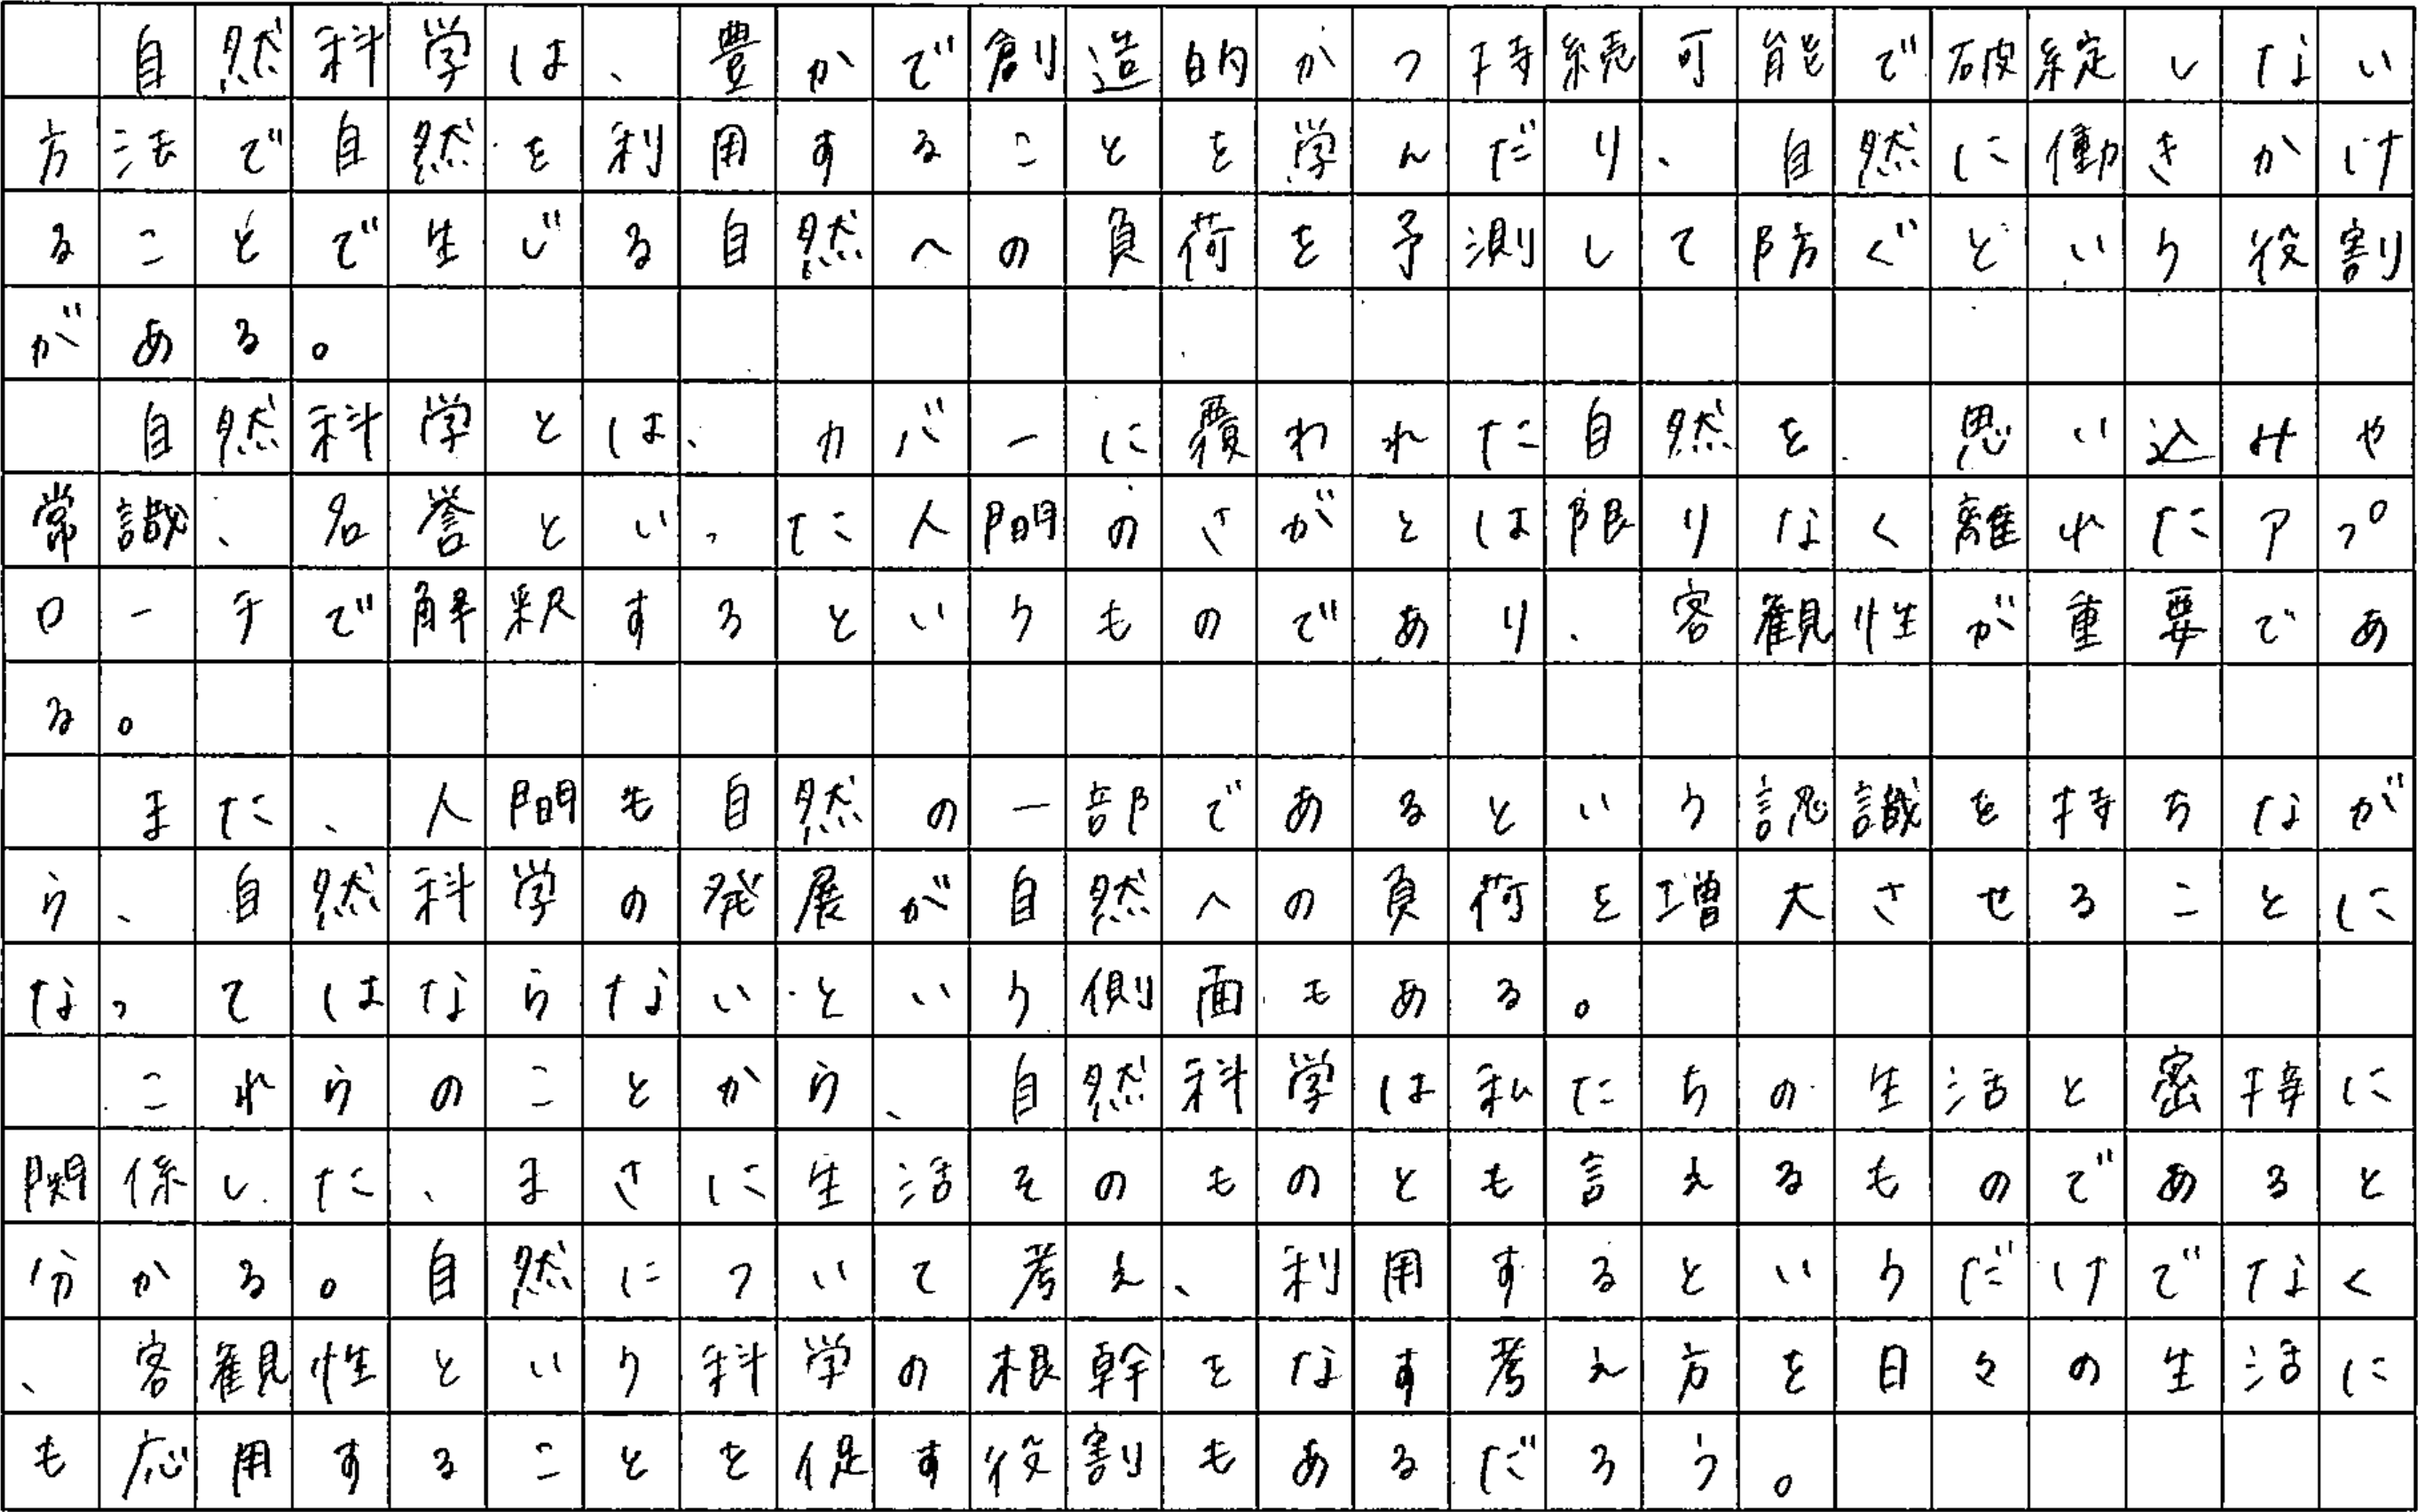　自然科学は、豊かで創造的かつ持続可能で破綻しない方法で自然を利用することを学んだり、自然に働きかけることで生じる自然への負荷を予測して防ぐという役割がある。
　自然科学とは、カバーに覆われた自然を、思い込みや常識、名誉といった人間のさがとは限りなく離れたアプローチで解釈するというものであり、客観性が重要である。
　また、人間も自然の一部であるという認識を持ちながら、自然科学の発展が自然への負荷を増大させることになってはならないという側面もある。
　これらのことから、自然科学は私たちの生活と密接に関係した、まさに生活そのものとも言えるものであると分かる。自然について考え、利用するというだけでなく、客観性という科学の根幹をなす考え方を日々の生活にも応用することを促す役割もあるだろう。
